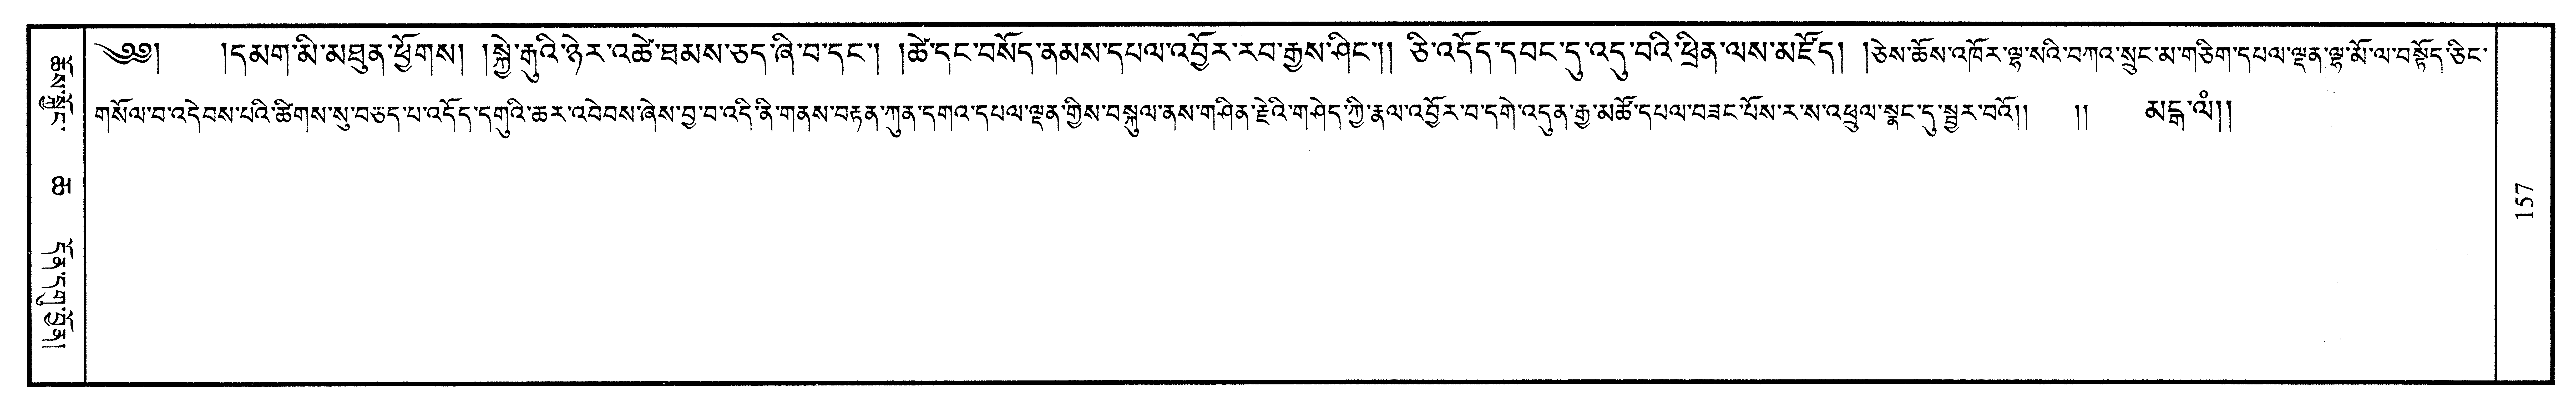༄༅། །དམག་མི་མཐུན་ཕྱོགས། །སྐྱེ་རྒུའི་ཉེར་འཚེ་ཐམས་ཅད་ཞི་བ་དང་། །ཚེ་དང་བསོད་ནམས་དཔལ་འབྱོར་རབ་རྒྱས་ཤིང་། །ཅི་འདོད་དབང་དུ་འདུ་བའི་ཕྲིན་ལས་མཛོད། །ཅེས་ཆོས་འཁོར་ལྷ་སའི་བཀའ་སྲུང་མ་གཅིག་དཔལ་ལྡན་ལྷ་མོ་ལ་བསྟོད་ཅིང་
གསོལ་བ་འདེབས་པའི་ཚིགས་སུ་བཅད་པ་འདོད་དགུའི་ཆར་འབེབས་ཞེས་བྱ་བ་འདི་ནི་གནས་བརྟན་ཀུན་དགའ་དཔལ་ལྡན་གྱིས་བསྐུལ་ནས་གཤིན་རྗེའི་གཤེད་ཀྱི་རྣལ་འབྱོར་བ་དགེ་འདུན་རྒྱ་མཚོ་དཔལ་བཟང་པོས་ར་ས་འཕྲུལ་སྣང་དུ་སྦྱར་བའོ།། །། མངྒ་ལཾ།།